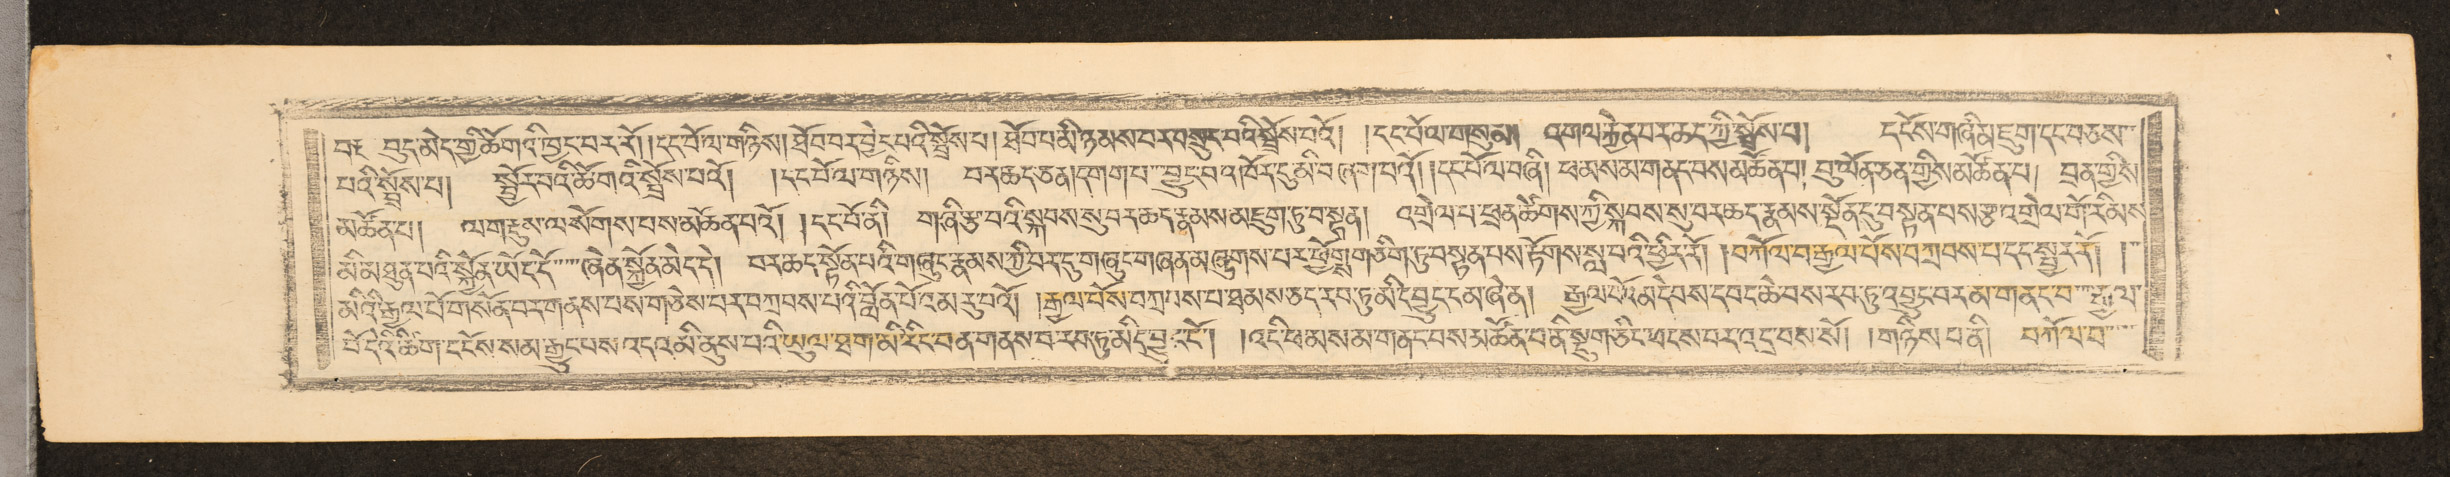པ༑ བུད་མེད་གྱི་ཆོ་གའི་ཁྱད་པར་རོ། །དང་པོ་ལ་གཉིས། ཐོབ་པར་བྱེད་པའི་སྤྲོས་པ། ཐོབ་པ་མི་ཉམས་པར་བསྲུང་བའི་སྤྲོས་པའོ། །དང་པོ་ལ་གསུམ། འགལ་རྐྱེན་བར་ཆད་ཀྱི་སྤྲོས་པ། དངོས་གཞི་མཇུག་དང་བཅས་
པའི་སྤྲོས་པ། སྦྱོར་བའི་ཆོ་གའི་སྤྲོས་པའོ། །དང་པོ་ལ་གཉིས། བར་ཆད་ཅན། དགག་པ་བྱུང་བ་འཁོར་དུ་མི་བཞག་པའོ། །དང་པོ་ལ་བཞི། ཕ་མས་མ་གནང་བས་མཚོན་པ། བུ་ལོན་ཅན་གྱིས་མཚོན་པ། བྲན་གྱིས་
མཚོན་པ། ལག་རྡུམ་ལ་སོགས་པས་མཚོན་པའོ། །དང་པོ་ནི། གཞི་རྩ་བའི་སྐབས་སུ་བར་ཆད་རྣམས་མཇུག་ཏུ་བསྟན། འགྲེལ་པ་ཕྲན་ཚེགས་ཀྱི་སྐབས་སུ་བར་ཆད་རྣམས་སྔོན་དུ་བསྟན་པས་རྩ་འགྲེལ་གོ་རིམས་
མི་མཐུན་པའི་སྐྱོན་ཡོད་དོ་ཞེ་ན་སྐྱོན་མེད་དེ། བར་ཆད་སྟོན་པའི་གཞུང་རྣམས་ཀྱི་བར་དུ་གཞུང་གཞན་མ་ཞུགས་པར་ཕྱོགས་གཅིག་ཏུ་བསྟན་པས་རྟོགས་སླ་པའི་ཕྱིར་རོ། །བཀོལ་བ་རྒྱལ་པོས་བཀྲབས་པ་དང་སྦྱར་རོ། །
མིའི་རྒྱལ་པོ་གསོན་པར་གནས་པས་གཅེས་པར་བཀྲབས་པའི་བློན་པོའམ་རུ་པའོ། །རྒྱལ་པོས་བཀྲབས་པ་ཐམས་ཅད་རབ་ཏུ་མི་དབྱུང་ངམ་ཞེ་ན། རྒྱལ་བོའམ་དེ་བས་དབང་ཆེ་བས་རབ་ཏུ་འབྱུང་བར་མ་གནང་པ་རྒྱལ་
པོ་དེའི་ཚིག་དངོས་སམ་རྒྱུད་པས་འདའ་མི་ནུས་པའི་ཡུལ་ཐག་མི་རིང་བ་ན་གནས་པ་རབ་ཏུ་མི་དབྱུང་ངོ། །འདི་ཕ་མས་མ་གནང་བས་མཚོན་པ་ནི་སྡུག་ཅིང་ཕངས་པར་འདྲ་བས་སོ། །གཉིས་པ་ནི། བཀོལ་པ་